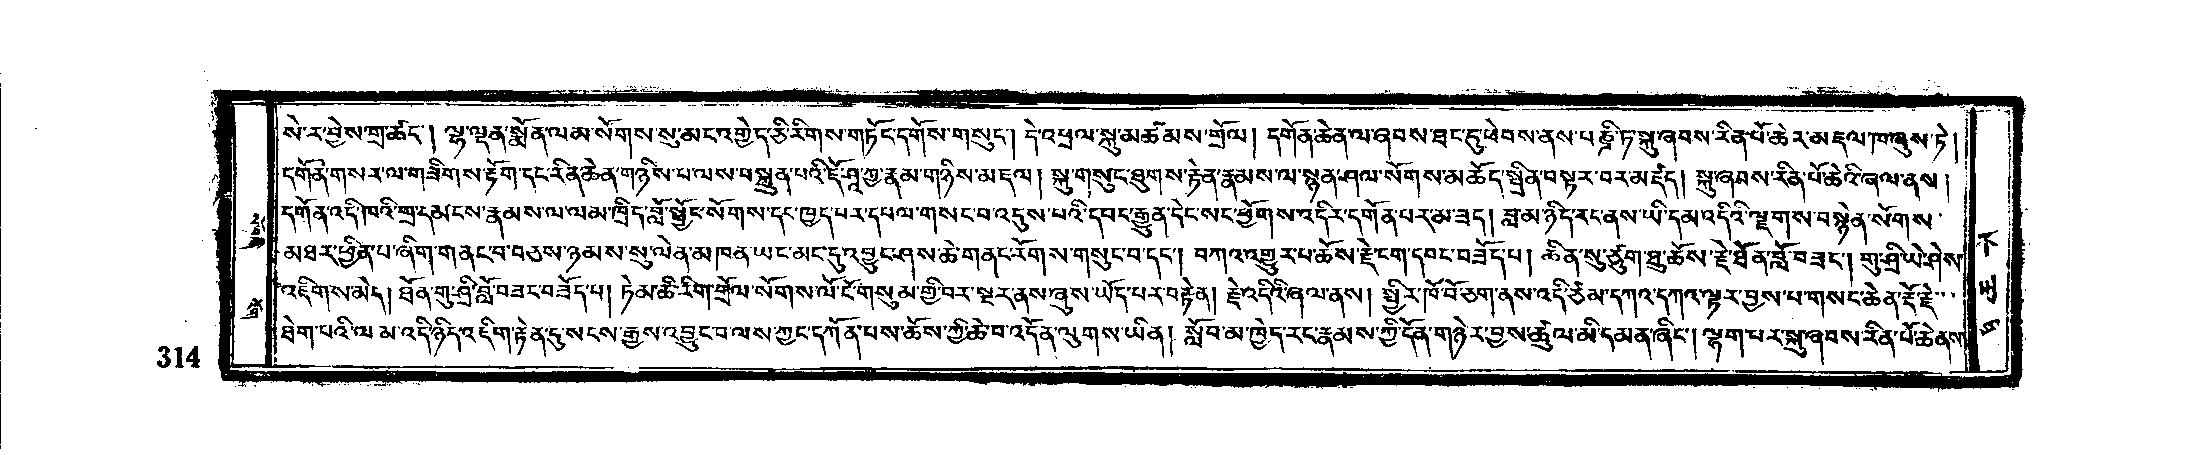སེ་ར་བྱེས་གྲ་ཚང་། ལྷ་ལྡན་སྨོན་ལམ་སོགས་སུ་མང་འགྱེད་ཅི་རིགས་གཏོང་དགོས་གསུང་། དེ་འཕྲལ་སྐུ་མཚམས་གྲོལ། དགོན་ཆེན་ལ་ཞབས་ཐང་དུ་ཕེབས་ནས་པཎྜི་ཏ་སྐུ་ཞབས་རིན་པོ་ཆེར་མཇལ་ཁ་ཞུས་ཏེ།
དགོན་གསར་ལ་གཟིགས་རྟོག་དང་རིན་ཆེན་གཉིས་པ་ལས་བསྐྲུན་པའི་ཇོ་ཤཱ་ཀྱ་རྣམ་གཉིས་མཇལ། སྐུ་གསུང་ཐུགས་རྟེན་རྣམས་ལ་སྙན་ཤལ་སོགས་མཆོད་སྤྲིན་བསྟར་བར་མཛད། སྐུ་ཞབས་རིན་པོ་ཆེའི་ཞལ་ནས།
དགོན་འདི་ཁའི་གྲ་དམངས་རྣམས་ལ་ལམ་ཁྲིད་བློ་སྦྱོང་སོགས་དང་ཁྱད་པར་དཔལ་གསང་བ་འདུས་པའི་དབང་རྒྱུན་དེང་སང་ཕྱོགས་འདིར་དགོན་པར་མ་ཟད། བླ་མ་ཉིད་རང་ནས་ཡི་དམ་འདིའི་ལྗགས་བསྙེན་སོགས་
མཐར་ཕྱིན་པ་ཞིག་གནང་བ་བཅས་ཉམས་སུ་ལེན་མཁན་ཡང་མང་དུ་འབྱུང་ཤས་ཆེ་གནང་རོགས་གསུང་བ་དང་། བཀའ་འགྱུར་པ་ཆོས་རྗེ་ངག་དབང་བཟོད་པ། ཆིན་སུ་ཙུག་ཐུ་ཆོས་རྗེ་ཐོན་བློ་བཟང་། གུ་ཤྲི་ཡེ་ཤེས་
འཇིགས་མེད། ཐོན་གུ་ཤྲི་བློ་བཟང་བཟོད་པ། ཏེམ་ཆི་རིག་གྲོལ་སོགས་ལོ་ངོ་གསུམ་གྱི་བར་སྔར་ནས་ཞུས་ཡོད་པར་བརྟེན། རྗེ་འདིའི་ཞལ་ནས། སྤྱིར་ཁོ་བོ་ཅག་ནས་འདི་ཙམ་དཀའ་དཀའ་ལྟར་བྱས་པ་གསང་ཆེན་རྡོ་རྗེ་
ཐེག་པའི་ལམ་འདི་ཉིད་འཇིག་རྟེན་དུ་སངས་རྒྱས་འབྱུང་བ་ལས་ཀྱང་དཀོན་པས་ཆོས་ཀྱི་ཆེ་བ་འདོན་ལུགས་ཡིན། སློབ་མ་ཁྱེད་རང་རྣམས་ཀྱི་དོན་གཉེར་བྱས་ཚུལ་མི་དམན་ཞིང་། ལྷག་པར་སྐུ་ཞབས་རིན་པོ་ཆེ་ནས་